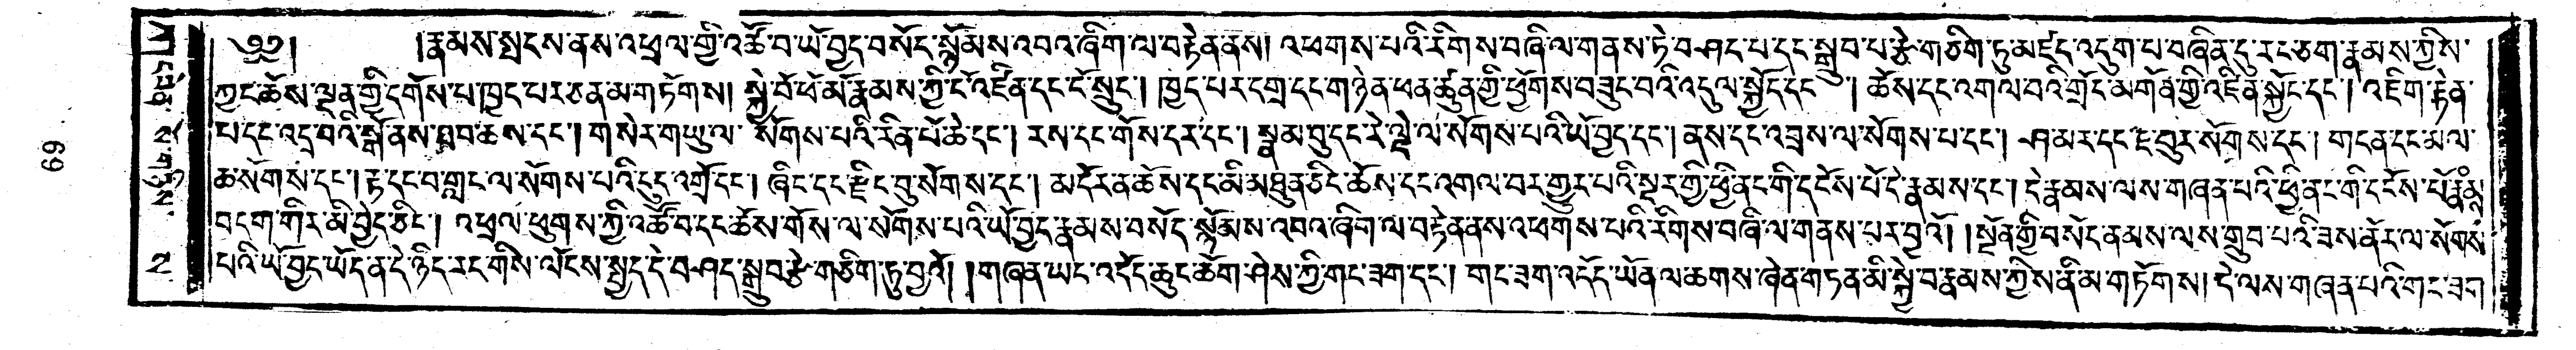༄༅། །རྣམས་སྤངས་ནས་འཕྲལ་གྱི་འཚོ་བ་ཡོ་བྱད་བསོད་སྙོམས་འབའ་ཞིག་ལ་བརྟེན་ནས། འཕགས་པའི་རིགས་བཞི་ལ་གནས་ཏེ་བཤད་པ་དང་སྒྲུབ་པ་རྩེ་གཅིག་ཏུ་མཛད་འདུག་པ་བཞིན་དུ་རང་ཅག་རྣམས་ཀྱིས་
ཀྱང་ཆོས་ལྡན་གྱི་དགོས་པ་ཁྱད་པར་ཅན་མ་གཏོགས། སྐྱེ་བོ་ཕོ་མོ་རྣམས་ཀྱི་ངོ་འཛིན་དང་ངོ་སྲུང་། ཁྱད་པར་དགྲ་དང་གཉེན་ཕན་ཚུན་གྱི་ཕྱོགས་བཟུང་བའི་འདུལ་སྐྱོད་དང་། ཆོས་དང་འགལ་བའི་གྲོང་མགོན་གྱི་འཛིན་སྐྱོང་དང་། འཇིག་རྟེན་
པ་དང་འདྲ་བའི་སྒོ་ནས་ཐབ་ཆས་དང་། གསེར་གཡུ་ལ་སོགས་པའི་རིན་ཆེ་དང་། རས་དང་གོས་དར་དང་། སྣམ་བུ་དང་རེ་ལྡེ་ལ་སོགས་པའི་ཡོ་བྱད་དང་། ནས་དང་འབྲས་ལ་སོགས་པ་དང་། ཤ་མར་དང་ཇ་བུར་སོགས་དང་། གདན་དང་མལ་
ཆ་སོགས་དང་། རྟ་དང་བ་གླང་ལ་སོགས་པའི་དུད་འགྲོ་དང་། ཞིང་དང་རྫིང་བུ་སོགས་དང་། མདོར་ན་ཆོས་དང་མི་མཐུན་ཅིང་ཆོས་དང་འགལ་བར་གྱུར་པའི་སྔར་གྱི་ཕྱི་ནང་གི་དངོས་པོ་དེ་རྣམས་དང་། དེ་རྣམས་ལས་གཞན་པའི་ཕྱི་ནང་གི་དངོས་པོ་རྣམསཾ་
བདག་གིར་མི་བྱེད་ཅིང་། འཕྲལ་ཕུགས་ཀྱི་འཚོ་བ་དང་ཆོས་གོས་ལ་སོགས་པའི་ཡོ་བྱད་རྣམས་བསོད་སྙོམས་འབའ་ཞིག་ལ་བརྟེན་ནས་འཕགས་པའི་རིགས་བཞི་ལ་གནས་པར་བྱའོ། །སྔོན་གྱི་བསོད་ནམས་ལ་གྲུབ་པའི་ཟས་ནོར་ལ་སོགས་
པའི་ཡོ་བྱད་ཡོད་ན་དེ་ཉིད་རང་གིས་ལོངས་སྤྱད་དེ་བཤད་སྒྲུབ་རྩེ་གཅིག་ཏུ་བྱའོ། །གཞན་ཡང་འདོད་ཆུང་ཆོག་ཤེས་ཀྱི་གང་ཟག་དང་། གང་ཟག་འདོད་ཡོན་ལ་ཆགས་ཞེན་གཏན་མི་སྐྱེ་བ་རྣམས་ཀྱིས་ནི་མ་གཏོགས། དེ་ལས་གཞན་པའི་གང་ཟག་